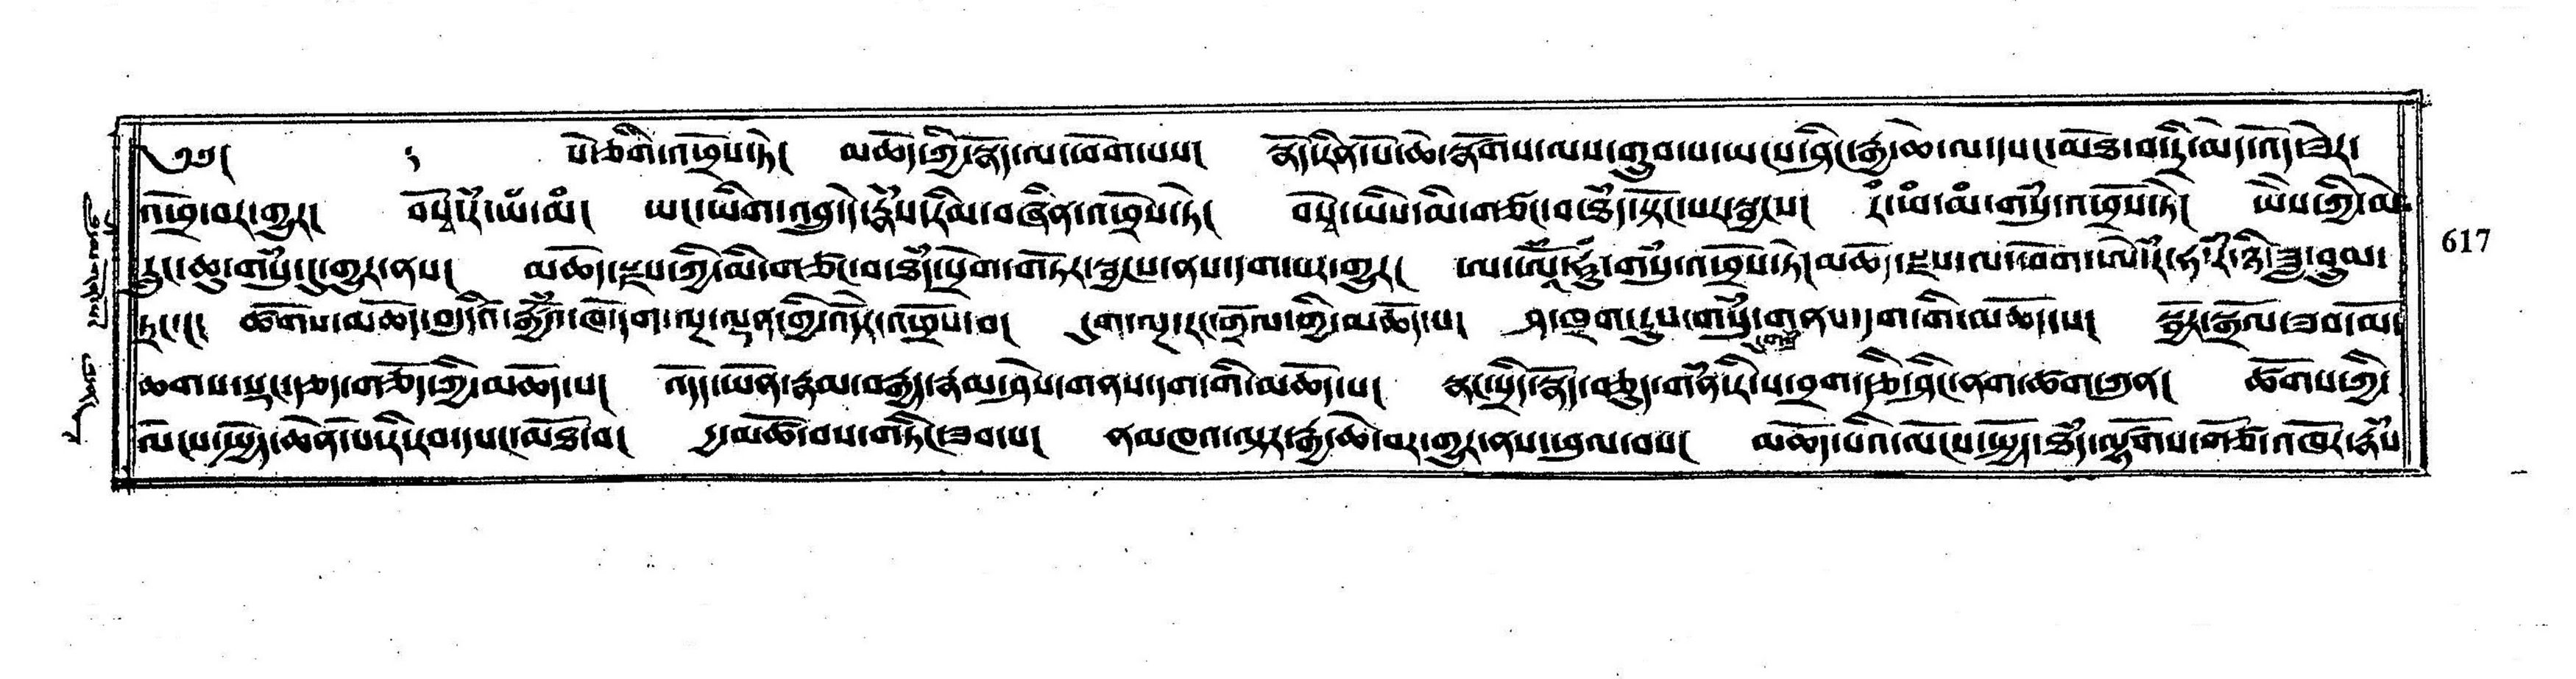པོ་ཅིག་འཕྲོས་ཏེ། མཆོད་ཀྱི་སྣོད་ལ་ཕོག་པས། སྣོད་རིན་པོ་ཆེ་སྣ་ཚོགས་ལས་གྲུབ་པ་ཡངས་ཤིང་རྒྱ་ཆེ་ལ་དཔང་མཐོ་བ་དྲི་མེད་འོད་ཟེར་
འཕྲོ་བར་གྱུར། བསྭོ་རཾ་ཡཾ་མཾ། ཡང་ཡིག་འབྲུ་དེ་རྣམས་རིམ་བཞིན་འཕྲོས་ཏེ། བསྭོ་ཡིས་མི་གཙང་བ་ཐམས་ཅད་སྟོང་པར་སྦྱངས། རཾ་ཡཾ་མཾ་གསུམ་འཕྲོས་ཏེ། ཡེ་ཤེས་ཀྱི་མེ་
རླུང་ཆུ་གསུམ་དུ་གྱུར་ནས། མཆོད་རྫས་ཀྱི་མི་གཙང་བ་ཐམས་ཅད་སྲེག་གཏོར་སྦྱངས་ནས་དག་པར་གྱུར། ཨ་ཨཱོཾ་ཧཱུཾ་གསུམ་འཕྲོས་ཏེ་མཆོད་རྫས་ལ་ཕོག་ཨེ་རཾ་ཧ་རཾ་ཉི་ཟླ་བྲུམ་
ཏྲང་།། ཚོགས་མཆོད་བདུད་རྩི་རྒྱ་མཚོ་ཁ་དོག་ལྔ་ལྡན་གྱི་འོད་ཟེར་འཕྲོས་པ། དུག་ལྔ་རང་གྲོལ་གྱི་མཆོད་པ། ཤ་ཁྲག་རུས་གསུམ་དུག་གསུམ་གནས་དག་གི་མཆོད་པ། སྦྱོར་སྒྲོལ་ཟབ་མོ་
ཆགས་སྡང་རྩད་གཅོད་ཀྱི་མཆོད་པ། འདོད་ཡོན་རྣམ་བརྒྱད་རྣམ་ཤེས་གནས་དག་གི་མཆོད་པ། སྣང་སྲིད་སྣོད་བཅུད་གནམ་རི་ས་བྲག་རྩི་ཤིང་ནགས་ཚལ་ཀུན། ཚོགས་ཀྱི་
ལོངས་སྤྱོད་ཆེན་པོ་རི་རབ་བས་དཔང་མཐོ་བ། རྒྱ་མཚོ་བས་གཏིང་ཟབ་པ། ནམ་མཁའ་ལྟར་རྒྱ་ཆེ་བར་གྱུར་ནས་ཕུལ་བས། མཆོད་པའི་ལོངས་སྤྱོད་ཐམས་ཅད་ལྷ་ཚོགས་གཙོ་འཁོར་རྣམས་